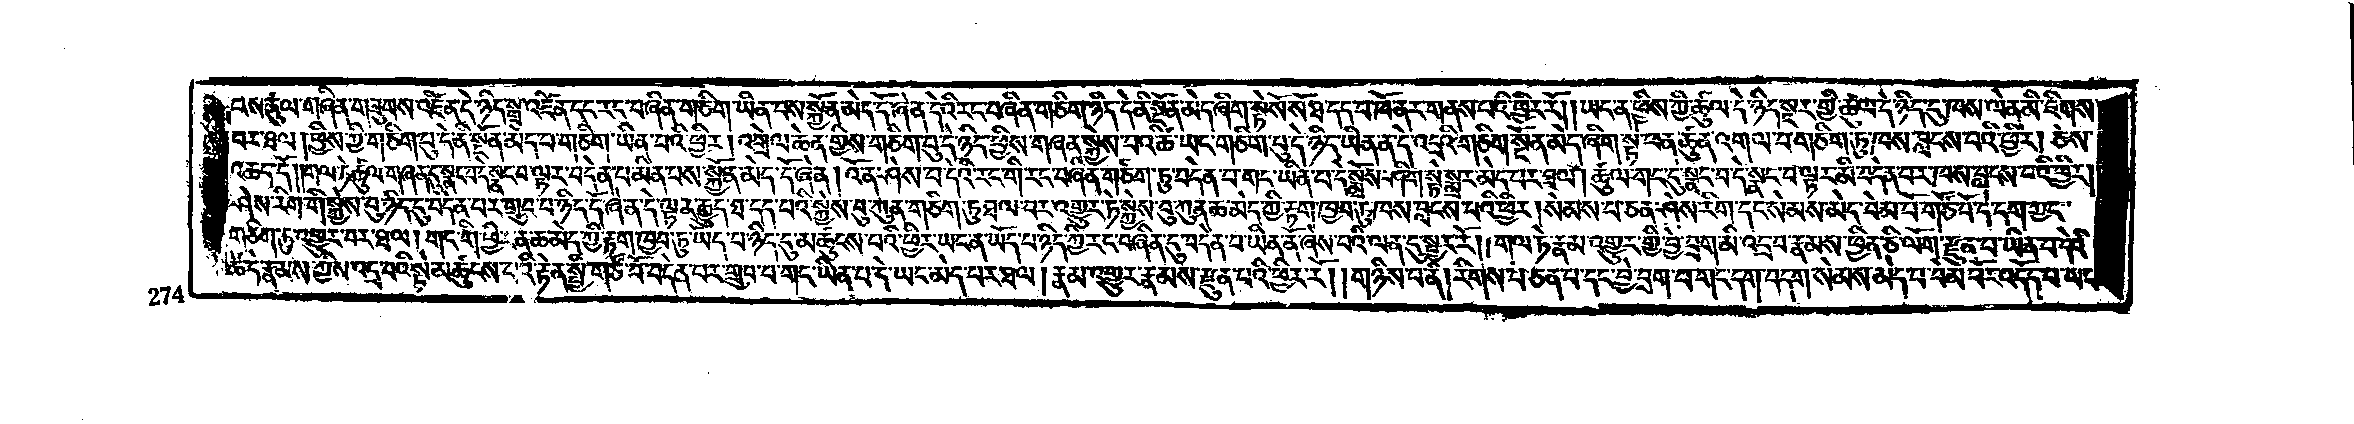པས་ཚུལ་གཞིན་གཟུགས་འཛིན་དེ་ཉིད་སྒྲ་འཛིན་དང་རང་བཞིན་གཅིག་ཡིན་པས་སྐྱོན་མེད་དོ་ཞེ་ན་དེའི་རང་བཞིན་གཅིག་ཉིད་དེ་ནི་སྔོན་མེད་ཞིག་སྟེ་སོ་སོ་ཐ་དད་པ་ཁོ་ནར་གནས་པའི་ཕྱིར་རོ། །ཡང་ན་ཕྱིས་ཀྱི་ཚུལ་དེ་ཉིད་སྔར་གྱི་ཚུལ་དེ་ཉིད་དུ་ཁས་ལེན་མི་ཇིགས?
པར་ཐལ། ཕྱིས་ཀྱི་གཅིག་པུ་དེ་ནི་སྔོན་མེད་པ་གཅིག་ཡིན་པའི་ཕྱིར། འགྲེལ་ཆེན་གྱིས་གཅིག་པུ་དེ་ཉིད་ཕྱིས་གཞན་སྐྱེས་པའི་ཚ་ཡང་གཅིག་པུ་དེ་ཉིད་ཡིན་ན་དེ་འདྲའི་གཅིག་སྔོན་མེད་ཞིག་སྟེ་ཕན་ཚུན་འགལ་བ་གཅིག་ཏུ་ཁས་བླངས་པའི་ཕྱིར། ཅེས་
འཆད་དོ། །གལ་ཏེ་ཚུལ་གཞན་དུ་སྣང་བ་ལྟར་བདེན་པ་མིན་པས་སྐྱོན་མེད་དོ་ཞེ་ན། འོ་ན་ཤེས་པ་དེའི་རང་གི་རང་བཞིན་གཅིག་ཏུ་བདེན་པ་གང་ཡིན་པ་དེ་སྨྲོས་ཤིག་སྟེ་སྨྲར་མེད་པར་ཐལ། ཚུལ་གང་དུ་སྣང་བ་དེ་སྣང་བ་ལྟར་མི་བདེན་པར་ཁས་བླངས་པའི་ཕྱིར།
ཤེས་རིག་གི་སྐྱེས་སུ་ཉིད་དུ་བདེན་པར་གྲུབ་པ་ཉིད་དོ་ཞེ་ན་དེ་ལྟ་ན་རྒྱུད་ཐ་དད་པའི་སྐྱེས་སུ་ཀུན་གཅིག་ཏུ་ཐལ་བར་འགྱུར་ཏེ་སྐྱེས་བུ་ཀུན་ཆ་མེད་ཀྱི་རྟག་ཁྱབ་ཏུ་ཁས་བླངས་པའི་ཕྱིར། སེམས་པ་ཅན་ཤེས་རིག་དང་སེམས་མེད་བེམ་པོ་གཙོ་བོ་དེ་དག་ཀྱང་
གཅིག་ཏུ་འགྱུར་བར་ཐལ། གང་གི་ཕྱིར་ན་ཆ་མེད་ཀྱི་རྟག་ཁྱབ་ཏུ་ཡོད་པ་ཉིད་དུ་མཚུངས་པའི་ཕྱིར་ཡང་ན་ཡོད་པ་ཉིད་ཀྱི་རང་བཞིན་དུ་བདེན་པ་ཡིན་ནོ་ཞེས་པའི་ལན་དུ་སྦྱར་རོ། །གལ་ཏེ་རྣམ་འགྱུར་གྱི་བྱེ་བྲག་མི་འདྲ་བ་རྣམས་ཕྱིན་ཅི་ལོག་རྫུན་པ་ཡིན་པ་དེའི་
ཚེ་དེ་རྣམས་ཀྱིས་འདྲ་བའི་སྟེ་མཚུངས་པའི་རྟེན་སྤྱི་གཙོ་བོ་བདེན་པར་གྲུབ་པ་གང་ཡིན་པ་དེ་ཡང་མེད་པར་ཐལ། རྣམ་འགྱུར་རྣམས་རྫིན་པའི་ཕྱིར་རོ། །གཉིས་པ་ནི། རིགས་པ་ཅན་པ་དང་བྱེ་བྲག་པ་གང་དག་བདག་སེམས་མེད་པ་བེམ་པོར་འདོད་པ་ཡང་